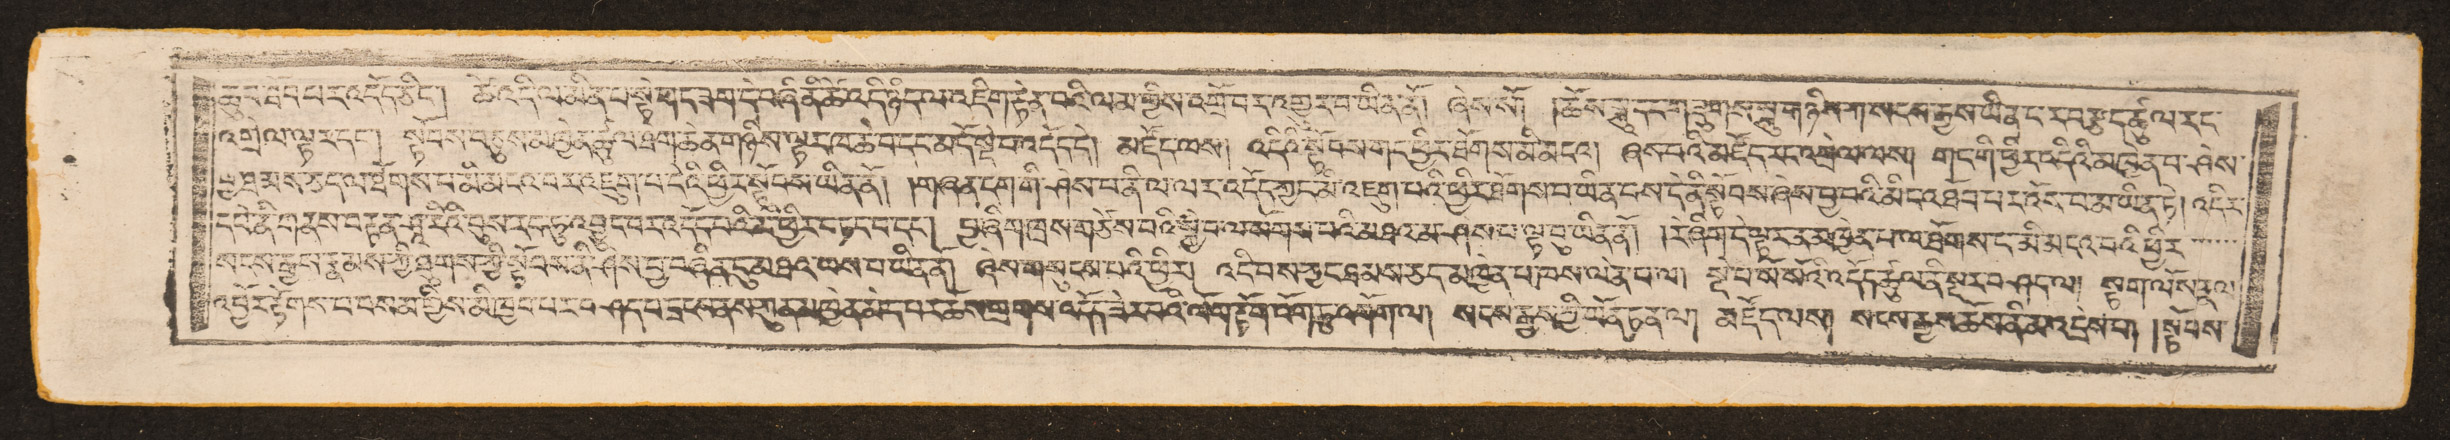ཆུབ་ཐོབ་པར་འདོད་ཅིང་། ཚེ་འདི་ལ་མིན་པ་སྟེ་གང་ཟག་དེ་བཞི་ནི་ཚེ་འདི་ཉིད་ལ་འཇིག་རྟེན་པའི་ལམ་གྱིས་འགྲོ་བར་འགྱུར་བ་ཡིན་ནོ། ཞེས་སོ། །ཆོས་སྐུ་དང་གཟུགས་སྐུ་གཉིས་ཀ་སངས་རྒྱས་ཡིན་པར་བརྩད་ཚུལ་རང་
འགྲེལ་ལྟར་དང་། སྟོབས་བཅུས་མཁྱེན་ཚུལ་ཐག་ཆེན་གཉིས་ལྟར་ཁ་ཆེ་བ་དང་མདོ་སྡེ་པ་འདོད་དེ། མཛོད་ལས། འདིའི་སྟོབས་གང་ཕྱིར་ཐོགས་མི་མངའ། ཞེས་པའི་མཛོད་རང་འགྲེལ་ལས། གང་གི་ཕྱིར་འདིའི་མཁྱེན་པ་ཤེས་
བྱ་ཐམས་ཅད་ལ་ཐོགས་པ་མི་མངའ་བར་འཇུག་པ་དེའི་ཕྱིར་སྟོབས་ཡིན་ནོ། །གཞན་དག་གི་ཤེས་པ་ནི་ལ་ལར་འདོད་ཀྱང་མི་འཇུག་པའི་ཕྱིར་ཐོགས་པ་ཡིན་པས་དེ་ནི་སྟོབས་ཞེས་བྱ་བའི་མིང་འཐོབ་པར་འོས་པ་མ་ཡིན་ཏེ། འདིར་
དཔེ་ནི་གནས་བརྟན་ཤཱ་རིའི་བུས་རབ་ཏུ་འབྱུང་བར་འདོད་པའི་མི་ཕྱིར་བཏང་བ་དང་། བྱ་ཞིག་ཁྲས་གཙེས་པའི་སྐྱེ་བ་ལ་སོགས་པའི་མཐའ་མ་ཤེས་པ་ལྟ་བུ་ཡིན་ནོ། །རེ་ཞིག་དེ་ལྟར་ན་མཁྱེན་པ་ལ་ཐོགས་པ་མི་མངའ་བའི་ཕྱིར་
སངས་རྒྱས་རྣམས་ཀྱི་ཐུགས་ཀྱི་སྟོབས་ནི་ཤེས་བྱ་བཞིན་དུ་མཐའ་ཡས་པ་ཡིན་ནོ། ཞེས་གསུངས་པའི་ཕྱིར། འདི་པས་ཀྱང་ཐམས་ཅད་མཁྱེན་པ་ཁས་ལེན་པ་ལ། སྡེ་བ་སོ་སོའི་འདོད་ཚུལ་ནི་སྔར་བཤད་ལ། སྟག་ལོས་རྣལ་
འབྱོར་རྟོགས་པ་བསམ་གྱིས་མི་ཁྱབ་པར་བཤད་པ་དྲངས་ནས་ཀུན་མཁྱེན་མེད་པར་ཆོས་གྲགས་འདོད་ཟེར་བའི་ལོག་རྟོག་འོག་ཏུ་འགོག་ལ། སངས་རྒྱས་ཀྱི་ཡོན་ཏན་ལ། མཛོད་ལས། སངས་རྒྱས་ཆོས་ནི་མ་འདྲེས་པ། །སྟོབས་